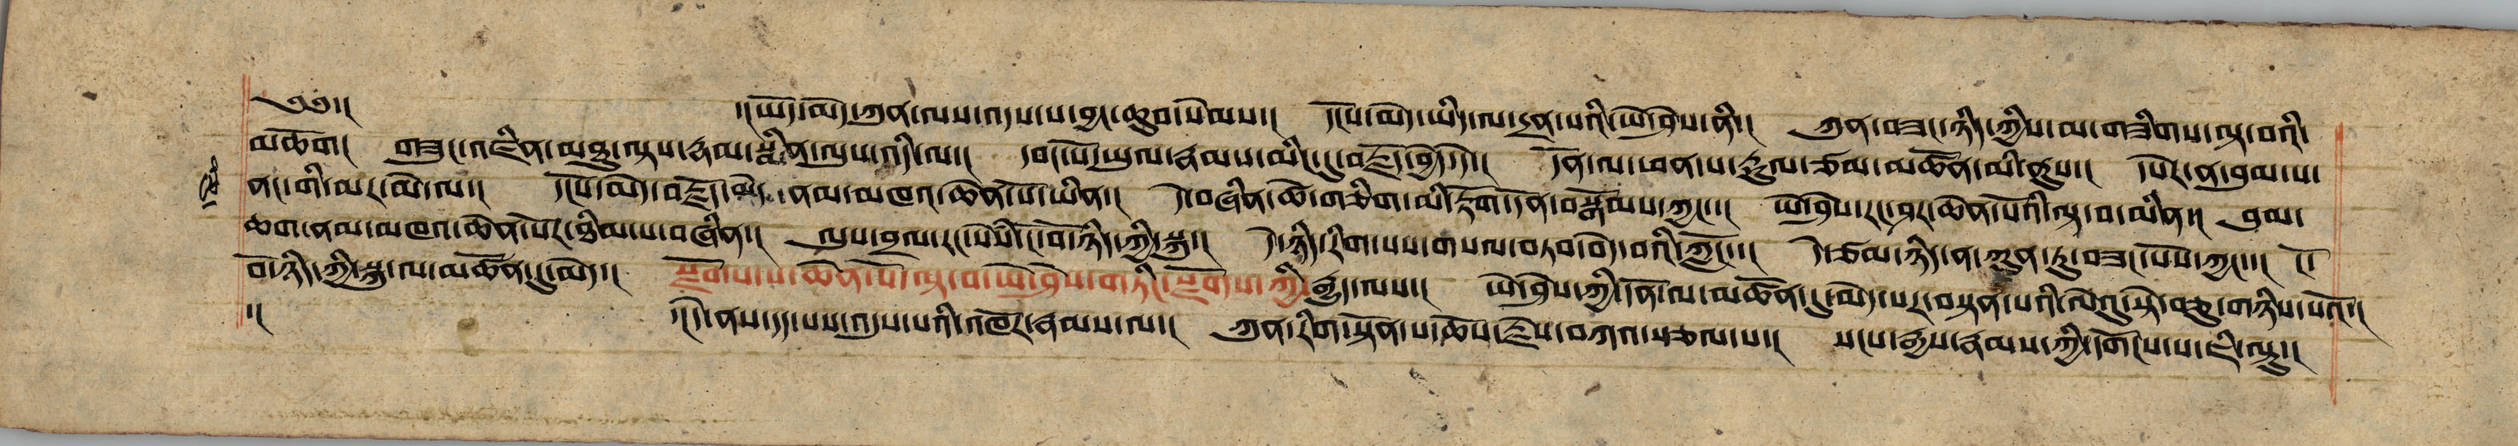༄༅་། ་།ཡོད་མེད་ཀུན་ལས་འདས་པ་བྱང་ཆུབ་སེམས་། དངོས་མེད་ཡིད་ལ་དྲན་པའི་ཡེ་ཤེས་ནི་། ཀུན་བཟང་ཉིད་ཀྱིས་མ་གཟིགས་ལྟ་བའི་
མཆོག། གཟུང་འཛིན་མཐུ་ལྟས་རྣམ་སྨིན་ལུས་འདི་ལ་། དབང་པོ་ཡུལ་རྣམས་མིང་དུ་བརྗོད་བྱེད་དེ་། དོན་ལ་ཕན་པ་རྡུལ་ཙམ་མཚོན་མི་ནུས་། དཔེར་ན་བུམ་པ་
ནང་གི་མར་མཻ་ལ་། དངོས་མེད་བརྗོད་མེད ་ནམ་མཁའ་ཆེན་པོ་ཡིན་། དེ་བཞིན་ཚེ་གཅིག་མི་རྟོག་དོན་བསྒོམས་ཀྱང་་། ཡེ་ཤེས་རང་ཤར་ཆེན་པོའི་ལྟ་བ་མིན་། བུམ་
ཆག་ནམ་མཁའ་ཆེན་པོར་ཐིམ་པ་བཞིན་། ལུས་བྲལ་རང་སེསཾ་ངོ་བོ་ཉིད་ཀྱི་སྐུ་། དེ་ཉིད་རིག་པས་གསལ་བཏབ་བདེ་བའི་ཀློང་་། དེ་ཙམ་ཉིད་ན་ཀུན་ཏུ་བཟང་པོས་ཀྱང་་།
བོ་ཉིད་ཀྱི་སྐུ་ལ་མཚོན་དུ་མེད་། སྫོགས་པ་ཆེན་པོ་ལྟ་བ་ཡེ་ཤེས་གཏིང་སྫོགས་ཀྱི་རྒྱུད་ལས་། ཡེ་ཤེས་ཀྱི་དོན་ལ་མཚོན་དུ་མེད་པར་བསྟན་པའི་ལེའུ་སྟེ་བཅུ་གཉིས་པའོ་།
་།དེ་ནས་དད་པས་འདུས་པའི་འཁོར་རྣམས་ལ་། ཀུན་རིག་སྟོན་པ་ཆོས་རྗེས་བཀའ་སྩལ་པ་། སངས་རྒྱས་རྣམས་ཀྱི་དགོངས་པ་ཇི་ལྟུ་།